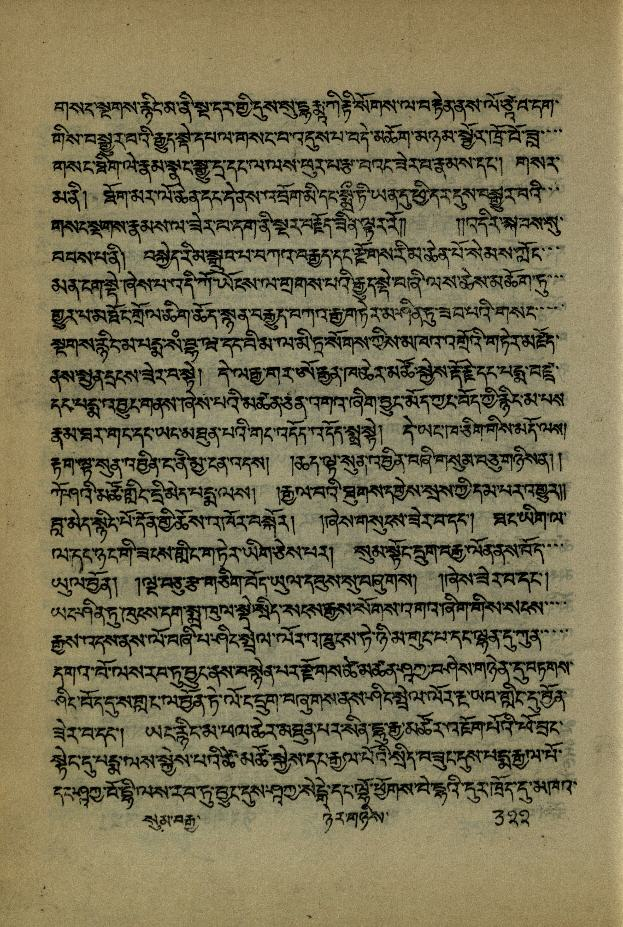གསང་སྔགས་རྙིང་མ་ནི་སྔ་དར་གྱི་དུས་སུ་དྷརྨཱ་ཀིརྟི་སོགས་ལ་བརྟེན་ནས་ལོ་ཙཱ་བ་དག་
གིས་བསྒྱུར་བའི་རྒྱུད་སྡེ་དཔལ་གསང་བ་འདུས་པ་བདེ་མཆོག་མཉམ་སྦྱོར་ཁྲོ་བོ་ཟླ་
གསང་ཐིག་ལེ་རྣམ་སྣང་སྒྱུ་དྲ་དང་ལ་ལས་ཕུར་པ་རྩ་བའང་ཟེར་བ་རྣམས་དང་། གསར་
མ་ནི། ཐོག་མར་ལོ་ཆེན་དང་དེ་ནས་འབྲོག་མི་དང་སྨྲྀ་ཏི་ཡན་དུ་ཕྱི་དར་དུས་བསྒྱུར་བའི་
གསང་སྔགས་རྣམས་ལ་ཟེར་བ་དག་ནི་སྔར་བརྗོད་ཟིན་ལྟར་རོ།། །།འདིར་སྐབས་སུ་
བབས་པ་ནི། བསྐྱེད་རིམ་སྒྲུབ་པ་བཀའ་བརྒྱད་དང་རྫོགས་རིམ་ཆེན་པོ་སེམས་ཀློང་
མན་ངག་སྡེ་ཞེས་པ་འདི་ཀོ་ཡོངས་ལ་གྲགས་པའི་རྒྱུད་སྡེ་བཞི་ལས་ཆེས་མཆོག་ཏུ་
གྱུར་པ་མཐོང་གྲོལ་ཆིག་ཆོད་སྙན་བརྒྱུད་བཀའ་རྒྱ་གཏེར་མ་ཤིན་ཏུ་ཟབ་པའི་གསང་
སྔགས་རྙིང་མ་པདམ་སཾ་བྷ་ཝ་དང་བི་མ་ལ་མི་ཏྲ་སོགས་ཀྱིས་མཁའ་འགྲོའི་གཏེར་མཛོད་
ནས་སྤྱན་དྲངས་ཟེར་བ་སྟེ། དེ་ལ་རྒྱ་གར་ཨོ་རྒྱན་ཁ་ཆེར་མཚོ་སྐྱེས་རྡོ་རྗེ་དང་པདམ་བཛྲ་
དང་པདམ་འབྱུང་གནས་ཞེས་པའི་མཚན་ཅན་འགའ་ཞིག་བྱུང་མོད་ཀྱང་བོད་ཀྱི་རྙིང་མ་པས་
རྣམ་ཐར་གང་དང་ཡང་མཐུན་པའི་གང་འདོད་འདོད་སྨྲ་སྟེ། དེ་ཡང་ཁ་ཅིག་གིས་མདོ་ལས།
རྟག་ལྟ་སུན་འབྱིན་ང་ནི་མྱ་ངན་འདས། །ཆད་ལྟ་སུན་འབྱིན་བཞི་གསུམ་བཅུ་གཉིས་ན།།
ཀོ་ཤའི་མཚོ་གླིང་དྲི་མེད་པདམ་ལས། །རྒྱལ་བའི་ཐུགས་དགྱེས་སྲས་ཀྱི་དམ་པར་འགྱུར།།
བླ་མེད་སྙིང་པོ་དོན་གྱི་ཆོས་འཁོར་བསྐོར། །ཞེས་གསུངས་ཟེར་བ་དང་། ཐང་ཡིག་ལ་
ལ་དང་ཉང་གི་ཟངས་གླིང་གཏེར་ཡིག་ཅེས་པར། སུམ་སྟོང་དྲུག་བརྒྱ་ལོན་ནས་བོད་
ཡུལ་བྱོན། །ལྔ་བཅུ་རྩ་གཅིག་བོད་ཡུལ་དབུས་སུ་བཞུགས། །ཞེས་ཟེར་བ་དང་།
ཡང་ཤིན་ཏུ་ཁུངས་དག་སྨྲ་ཁུལ་སྡེ་སྲིད་སངས་རྒྱས་སོགས་འགའ་ཞིག་གིས་སངས་
རྒྱས་འདས་ནས་ལོ་བཞི་པ་ཤིང་སྤྲེལ་ལོར་འཁྲུངས་ཏེ་ཉི་མ་གུང་པ་དང་ལྷན་དུ་ཀུན་
དགའ་བོ་ལས་རབ་ཏུ་བྱུང་ནས་བསྙེན་པར་རྫོགས་ཚེ་མཚན་ཤཱཀྱ་བཤེས་གཉེན་དུ་བཏགས་
ཤིང་བོད་དུ་ས་གླང་ལ་བྱོན་ཏེ་ལོ་ང་དྲུག་བཞུགས་ནས་ཤིང་སྤྲེལ་ལོར་རྔ་ཡབ་གླིང་དུ་བྱོན་
ཟེར་བ་དང་། ཡང་རྙིང་མ་ཕལ་ཆེར་མཐུན་པར་སིན་དྷུ་རྒྱ་མཚོར་འཇོག་པོའི་ཕོ་བྲང་
སྟེང་དུ་པདམ་ལས་སྐྱེས་པའི་ཚེ་མཚོ་སྐྱེས་དང་རྒྱལ་པོའི་སྲིད་བཟུང་དུས་པདམ་རྒྱལ་པོ་
དང་ཤཱཀྱ་བོ་དྷི་ལས་རབ་ཏུ་བྱུང་དུས་ཤཱཀྱ་སེངྒེ་དང་ལྷོ་ཕྱོགས་བེ་དྷའི་དུར་ཁྲོད་དུ་མཁའ་